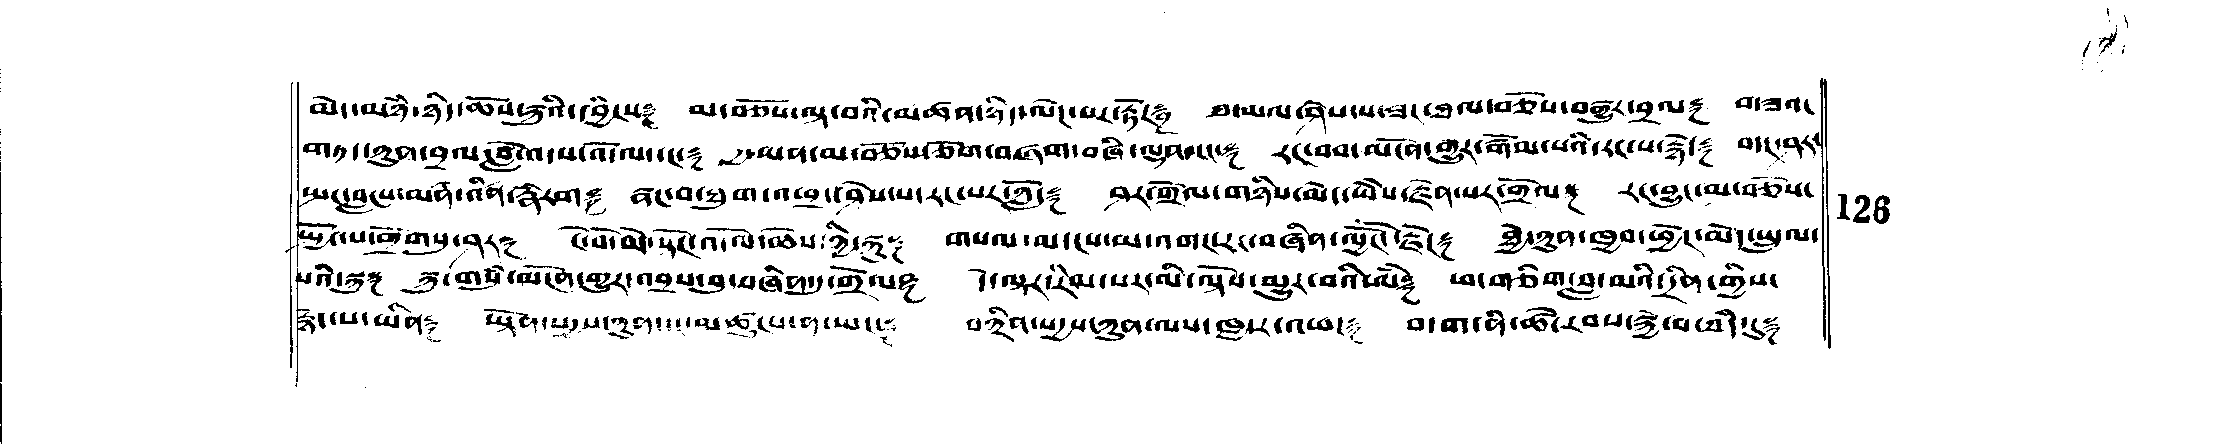མེད་མཉམ་ཉིད་ཆོས་སྐུའི་དབྱིངས། །མ་བཅོས་ལྟ་བའི་མཚན་ཉིད་ལེགས་པར་རྟོགས། །ཐ་མལ་ཤེས་པ་ཟང་ཐལ་བཅོས་བསྒྱུར་བྲལ། །གཟའ་
གཏད་ཀུན་བྲལ་བློ་འདས་འོད་གསལ་དང་། །རྒྱ་ཡན་མ་བཅོས་ཅོག་བཞག་བཞི་ལྡན་ངང་། །རང་བབ་མངོན་གྱུར་སྒོམ་པའི་རང་ས་རྙེད། །གང་ཤར་
སྤང་བླངས་མཚན་འཛིན་རྣམ་པར་དག །སྣང་བ་ཐུག་འཕྲད་ཤེས་པ་རང་སར་ཀློད། །ཤར་གྲོལ་གཉིས་མེད་ཡེ་ཤེས་རྗེན་པར་གྲོལ། །རང་བྱུང་མ་བཅོས་
སྤྱོད་པ་གྲོགས་སུ་ཤར། །ངོ་བོ་ཡེ་སྟོང་འོད་གསལ་ཆོས་ཀྱི་སྐུ། །གསལ་མདངས་མ་འགགས་རང་བཞིན་ལོངས་སྤྱོད་རྫོགས། །ཐུགས་རྗེ་ཀུན་ཁྱབ་ཕྱོགས་མེད་སྤྲུལ་
པའི་སྐུ། །སྐུ་གསུམ་མངོན་གྱུར་འབྲས་བུ་བཞིན་དུ་གྲོལ། །དེ་ལྟར་རིམ་པར་མི་ལྟོས་མྱུར་བའི་ལམ། །ཕ་གཅིག་བླ་མའི་དྲིན་གྱིས་
རྙེད་པ་ཡིན། །ཡོན་ཏན་སངས་རྒྱས་ཀུན་དང་མཚུངས་ན་ཡང་། །བཀའ་དྲིན་སངས་རྒྱས་ཀུན་ལས་ཁྱད་པར་འཕགས། །བདག་ནི་ཚེ་རབས་སྐྱེ་བ་ཐམས་ཅད་དུ།